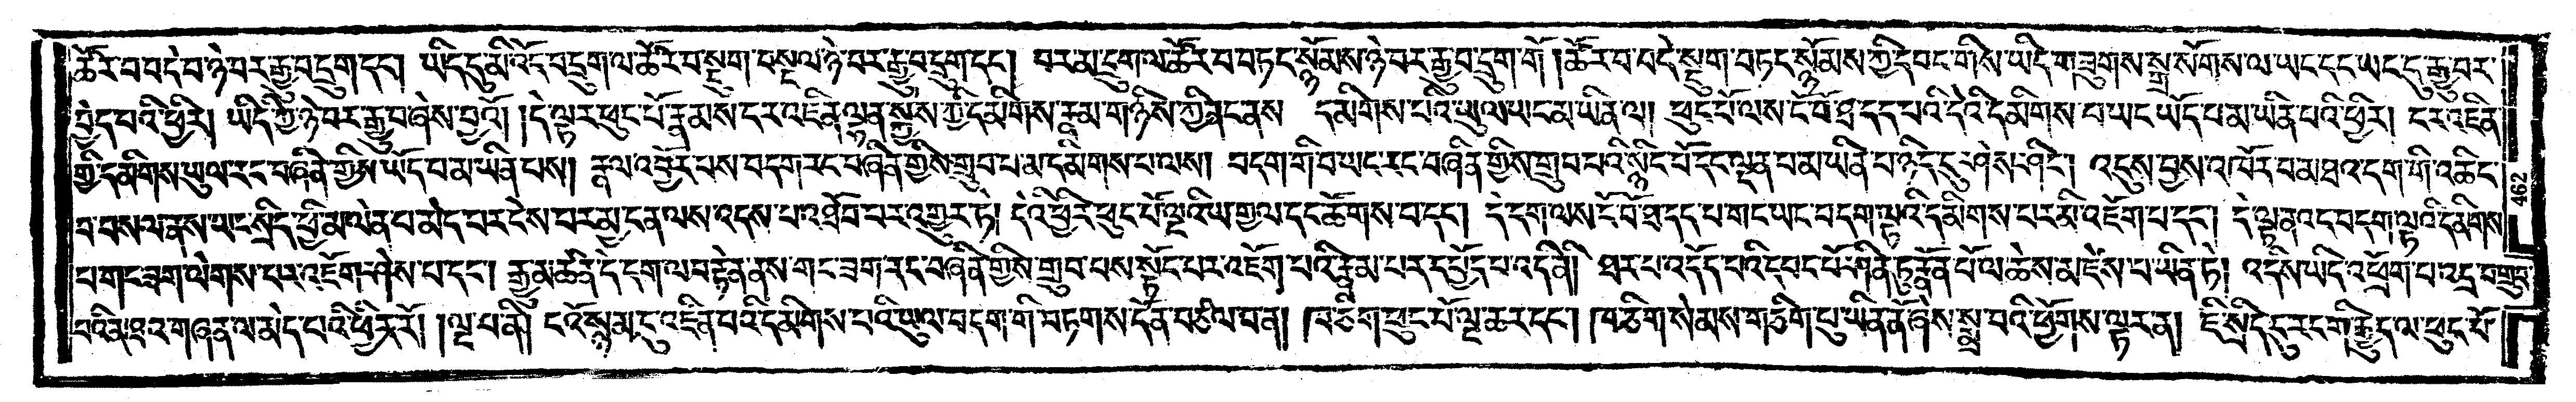ཚོར་བ་བདེ་བ་ཉེ་བར་རྒྱུ་བ་དྲུག་དང་། ཡིད་དུ་མི་འོང་དྲུག་ལ་ཚོར་བ་སྡུག་བསྔལ་ཉེ་བར་རྒྱུ་བ་དྲུག་དང་། བར་མ་དྲུག་ལ་ཚོར་བ་བཏང་སྙོམས་ཉེ་བར་རྒྱུ་བ་དྲུག་གོ །ཚོར་བ་བདེ་སྡུག་བཏང་སྙོམས་ཀྱི་དབང་གིས་ཡིད་གཟུགས་སྒྲ་སོགས་ལ་ཡང་དང་ཡང་དུ་རྒྱུ་བར་
བྱེད་པའི་ཕྱིར། ཡིད་ཀྱི་ཉེ་བར་རྒྱུ་བ་ཞེས་བྱའོ། །དེ་ལྟར་ཕུང་པོ་རྣམས་ངར་འཛིན་ལྷན་སྐྱེས་ཀྱི་དམིགས་རྣམ་གཉིས་ཀྱི་ནང་ནས། དམིགས་པའི་ཡུལ་ཡང་མ་ཡིན་ལ། ཕུང་པོ་ལས་ངོ་བོ་ཐ་དད་པའི་དེའི་དམིགས་པ་ཡང་ཡོད་པ་མ་ཡིན་པའི་ཕྱིར། ངར་འཛིན་
གྱི་དམིགས་ཡུལ་རང་བཞིན་གྱིས་ཡོད་པ་མ་ཡིན་པས། རྣལ་འབྱོར་བས་བདག་རང་བཞིན་གྱིས་གྲུབ་པ་མ་དམིགས་པ་ལས། བདག་གི་བ་ཡང་རང་བཞིན་གྱིས་གྲུབ་པའི་སྙིང་པོ་དང་ལྡན་པ་མ་ཡིན་པ་ཉིད་དུ་ཤེས་ཤིང་། འདུས་བྱས་འཁོར་བ་མཐའ་དག་གི་འཆིང་
བ་བསལ་ནས་ཡང་སྲིད་ཕྱི་མ་ལེན་པ་མེད་པར་ངེས་པར་མྱ་ངན་ལས་འདས་པ་འཐོབ་པར་འགྱུར་ཏེ། དེའི་ཕྱིར་ཕུང་པོ་ལྔའི་ཡ་གྱལ་དང་ཚོགས་པ་དང་། དེ་དག་ལས་ངོ་བོ་ཐ་དད་པ་གང་ཡང་བདག་ལྷའི་དམིགས་པར་མི་འཇོག་པ་དང་། དེ་ལྟ་ནའང་བདག་ལྟའི་དམིགས་
པ་གང་ཟག་ལེགས་པར་འཇོག་ཤེས་པ་དང་། རྒྱུ་མཚན་དེ་དག་ལ་བརྟེན་ནས་གང་ཟག་རང་བཞིན་གྱིས་གྲུབ་པས་སྟོང་པར་འཇོག་པའི་རྣམ་པར་དཔྱོད་པ་འདི་ནི། ཐར་པ་འདོད་པའི་དབང་པོ་ཤིན་ཏུ་རྣོན་པོ་ལ་ཆེས་མཛེས་པ་ཡིན་ཏེ། འདིས་ཡིད་འཕྲོག་པ་འདྲ་བ་གྲུབ་
པའི་མཐའ་གཞན་ལ་མེད་པའི་ཕྱིར་རོ། །ལྔ་པ་ནི། ངའོ་སྙམ་དུ་འཛིན་པའི་དམིགས་པའི་ཡུལ་བདག་གི་བཏགས་དོན་བཙལ་བ་ན། ཁ་ཅིག་ཕུང་པོ་ལྔ་ཆར་དང་། ཁ་ཅིག་སེམས་གཅིག་པུ་ཡིན་ནོ་ཞེས་སྨྲ་བའི་ཕྱོགས་ལྟར་ན། ཇི་སྲིད་དུ་རང་གི་རྒྱུད་ལ་ཕུང་པོ་